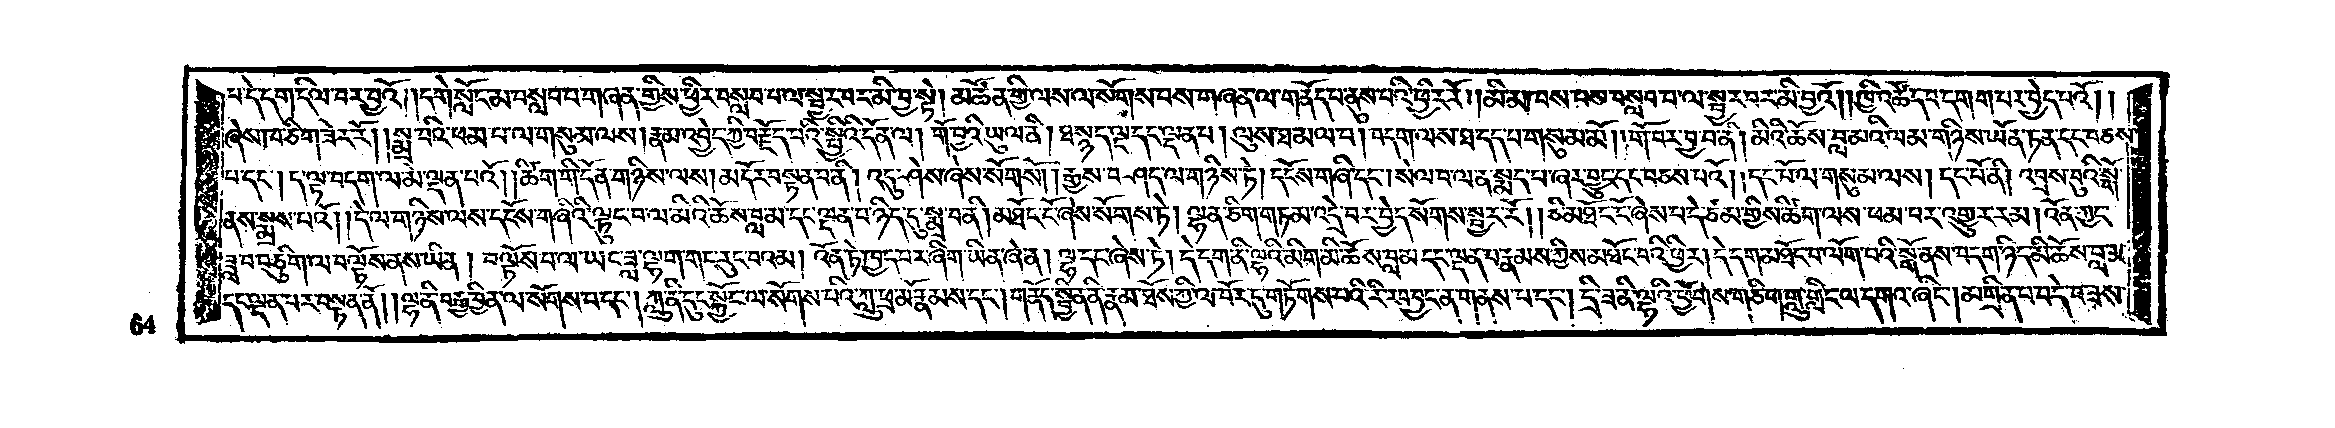པ་དེ་དག་དྲིལ་བར་བྱའོ། །དགེ་སློང་མ་བསླབ་པ་གཞན་གྱིས་ཕྱིར་བསླབ་པ་ལ་སྦྱར་བར་མི་བྱ་སྟེ། མཚོན་གྱི་ལས་ལ་སོགས་པས་གཞན་ལ་གནོད་པ་ནུས་པའི་ཕྱིར་རོ། །མི་མཁས་པས་བསླབ་པ་ལ་སྦྱར་བར་མི་བྱའོ། །ཁྱི་འཚོད་པ་དགག་པར་བྱེད་པའོ།།
ཞེས་ཁ་ཅིག་ཟེར་རོ། །སྨྲ་བའི་ཕམ་པ་ལ་གསུམ་ལས། རྣམ་འབྱེད་ཀྱི་བརྗོད་པའི་སྤྱིའི་དོན་ལ། གོ་བྱའི་ཡུལ་ནི། ཐ་སྙད་ལྔ་དང་ལྡན་པ། ལུས་ཐ་མལ་བ། བདག་ལས་ཐ་དད་པ་གསུམ་མོ། །གོ་བར་བྱ་བ་ནི། མིའི་ཆོས་བླ་མའི་ལམ་གཉིས་ཡོན་ཏན་དང་བཅས་
པ་དང་། ད་ལྟ་བདག་ལ་མི་ལྡན་པའོ། །ཚིག་གི་དོན་གཉིས་ལས། མདོར་བསྟན་པ་ནི། འདུ་ཤེས་ཞེས་སོགས་སོ། །རྒྱས་བཤད་ལ་གཉིས་ཏེ། དངོས་གཞི་དང་། སེལ་བ་ལན་སྨད་པ་ཞར་བྱུང་དང་བཅས་པའོ། །དང་པོ་ལ་གསུམ་ལས། དང་པོ་ནི། འབྲས་བུའི་སྒོ་
ནས་སྨས་པའོ། །དེ་ལ་གཉིས་ལས་དངོས་གཞིའི་ལྟུང་བ་ལ་མིའི་ཆོས་བླ་མ་དང་ལྡན་པ་ཉིད་དུ་སྨྲ་བ་ནི། མཐོང་ངོ་ཞེས་སོགས་ཏེ། ལྷན་ཅིག་གཏམ་འདྲེ་བར་བྱེད་སོགས་སྦྱར་རོ། །ཅི་མཐོང་ངོ་ཞེས་པ་དེ་ཙམ་གྱིས་ཚིག་ལས་ཕམ་པར་འགྱུར་རམ། འོན་ཀྱང་
ཟླ་བ་བཅུ་གཅིག་ལ་བལྟོས་ནས་ཡིན། བལྟོས་པ་ལ་ཡང་ཟླ་ལྷག་གང་རུང་བའམ། འོན་ཏེ་ཁྱད་པར་ཞིག་ཡིན་ཞེ་ན། ལྷ་དང་ཞེས་ཏེ། དེ་དག་ནི་ལྷའི་མིག་མི་ཆོས་བླ་མ་དང་ལྡན་པ་རྣམས་ཀྱིས་མཐོང་བའི་ཕྱིར། དེ་དག་མཐོང་བ་ལོག་པའི་སྒོ་ནས་བདག་ཉིད་མི་ཆོས་བླ་མ་
དང་ལྡན་པར་བསྟན་ནོ། །ལྷ་ནི་བརྒྱ་བྱིན་ལ་སོགས་པ་དང་། ཀླུ་ནི་དུང་སྐྱོང་ལ་སོགས་པའི་ཀླུ་ཕྲ་མོ་རྣམས་དང་། གནོད་སྦྱིན་ནི་རྣམ་ཐོས་ཀྱི་འཁོར་དུ་གཏོགས་པའི་རི་རབ་བྱང་ན་གནས་པ་དང་། དྲི་ཟ་ནི་ལྷའི་ཕྱོགས་གཅིག་གླུ་གླིང་ལ་དགའ་ཞིང་། མགྲིན་པ་བདེ་བ་ཟས་